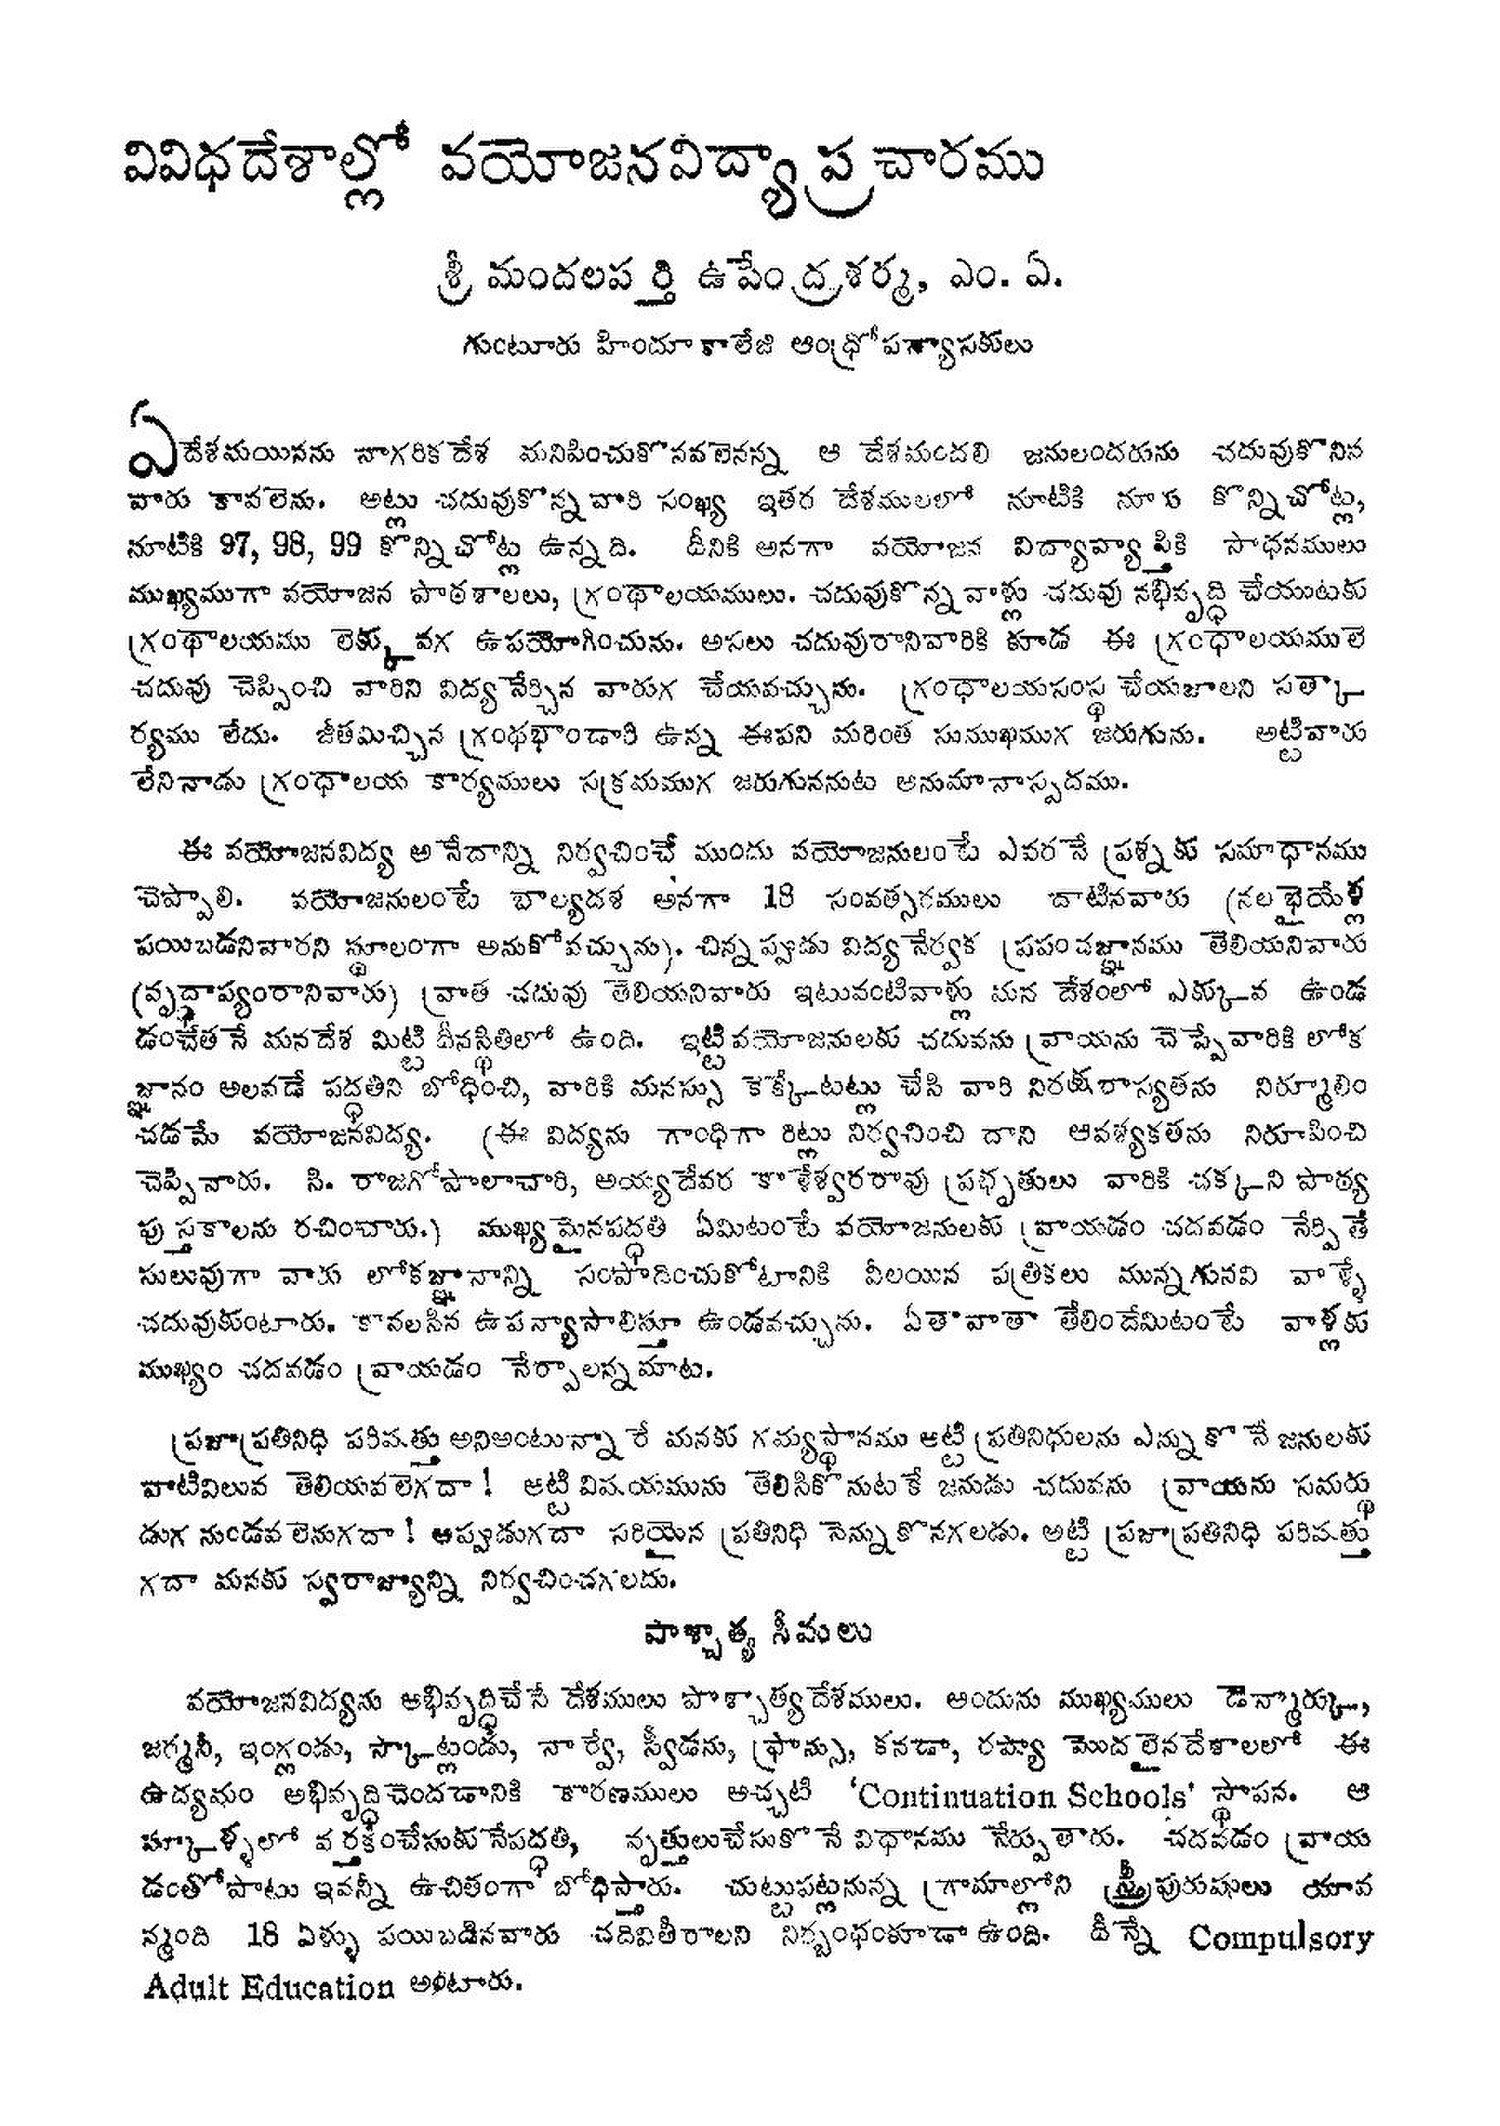వివిధదేశాల్లో వయోజన విద్యా ప్రచారము

ఏదేశమయినను నాగరిక దేశమనిపించుకోనవలెనన్న ఆ దేశమందలి జనులందరును చదువుకొనిన వారు కావలెను. అట్లు 
చదువుకొన్న వారి సంఖ్య ఇతర దేశములలో నూటికి నూరు కొన్ని చోట్ల, నూటికి 97, 98, 99 కొన్ని చోట్ల ఉన్నది. దీనికి 
అనగా వయోజన విద్యావ్యాప్తికి సాధనములు ముఖ్యముగా వయోజన పాఠశాలలు, గ్రంథాలయములు. చదువుకొన్న వాళ్లు 
చదువు నభివృద్ధి చేయుటకు గ్రంథాలయము లెక్కువగ ఉపయోగించును. అసలు చదువురానివారికి కూడ ఈ గ్రంధాలయములె
చదువు చెప్పించి వారిని విద్యనేర్చిన వారుగ చేయవచ్చును. గ్రంథాలయ సంస్థ చేయజాలని సత్కార్యము లేదు. జీతమిచ్చిన గ్రంథభాండారి ఉన్న ఈపని మరింత సుముఖముగ జరుగును. అట్టివారు లేనినాడు గ్రంధాలయ కార్యములు సక్రమముగ 
జరుగుననుట అనుమానాస్పదము.

ఈ వయోజనవిద్య అనేదాన్ని నిర్వచించే ముందు వయోజనులంటే ఎవరనే ప్రశ్నకు సమాధానము చెప్పాలి. వయోజనులంటే 
బాల్యదశ అనగా 18 సంవత్సరములు దాటినవారు (నల భైయేళ్ల పయిబడనివారని స్థూలంగా అనుకోవచ్చును). చిన్నప్పుడు 
విద్యనేర్వక ప్రపంచజ్ఞానము తెలియనివారు (వృద్ధాప్యం రానివారు) వ్రాత చదువు తెలియనివారు ఇటువంటివాళ్లు మన దేశంలో 
ఎక్కువ ఉండడంచేత నే మన దేశమిట్టి దీనస్థితిలో ఉంది. ఇట్టి వయోజనులకు చదువను వ్రాయను చెప్పేవారికీ లోక 
జ్ఞానం అలవాడే పద్దతిని బోధించి, వారికి మనస్సు కెక్కేటట్లు చేసి వారి నిరక్షరాస్యతను నిర్ములించడమే వయోజన విద్య. 
(ఈ విద్యను గాంధిగా రిట్లు నిర్వచించి దాని ఆవశ్యకతను నిరూపించి చెప్పినారు. సి. రాజగోపాలాచారి, అయ్యదేవర 
కాళేశ్వరరావు ప్రభృతులు వారికి చక్కని పాఠ్య పుస్తకాలను రచించారు.) ముఖ్యమైన పద్ధతి ఏమిటంటే వయోజనులకు 
వ్రాయడం చదవడం నేర్పితే సులువుగా వారు లోకజ్ఞానాన్ని సంపాదించుకోటానికి వీలయిన పత్రికలు మున్నగునవి వాళ్ళే
చదువుకుంటారు. కావలసిన ఉపన్యాసాలిస్తూ ఉండవచ్చును. ఏతావాతా తేలిందేమిటంటే వాళ్లకు ముఖ్యం చదవడం వ్రాయడం నేర్పాలన్నమాట.

ప్రజాప్రతినిధి పరిషత్తు అని అంటున్నారే మనకు గమ్యస్థానము అట్టి ప్రతినిధులను ఎన్నుకొనే జనులకు వాటి విలువ
తెలియవలెగదా! అట్టి విషయమును తెలిసికొనుటకే జనుడు చదువను వ్రాయను సమర్థుడుగ నుఁడవ లెనుగదా! అప్పుడుగదా 
సరియైన ప్రతినిధి నెన్నుకొనగలడు. అట్టి ప్రజాప్రతినిధి పరిషత్తుగదా మనకు స్వరాజ్యాన్ని నిర్వచించగలదు.

వయోజనవిద్యను అభివృద్ధిచేసే దేశములు పాశ్చాత్య దేశములు. అందును ముఖ్యములు డెన్మార్కు, జర్మనీ, ఇంగ్లండు, 
స్కాట్లండు, నార్వే, స్వీడను, ఫ్రాన్సు, కనడా, రష్యా మొదలైన దేశాలలో ఈ ఉద్యమం అభివృద్ధి చెందడానికి కారణములు 
అచ్చటి 'Continuation Schools' స్థాపన. ఆ స్కూళ్ళలో వర్తకంచేసుకునేపద్ధతి, వృత్తులు చేసుకొనే విధానము నేర్పుతారు. 
చదవడంతోపాటు ఇవన్నీ ఉచితంగా బోధిస్తారు. చుట్టుపట్లనున్న గ్రామాల్లోని స్త్రీపురుషులు యావన్మంది 18 ఏళ్ళు
పయిబడినవారు చదివితీరాలని నిర్బంధంకూడా ఉంది. దీన్నే Compulsory Adult Education అంటారు.